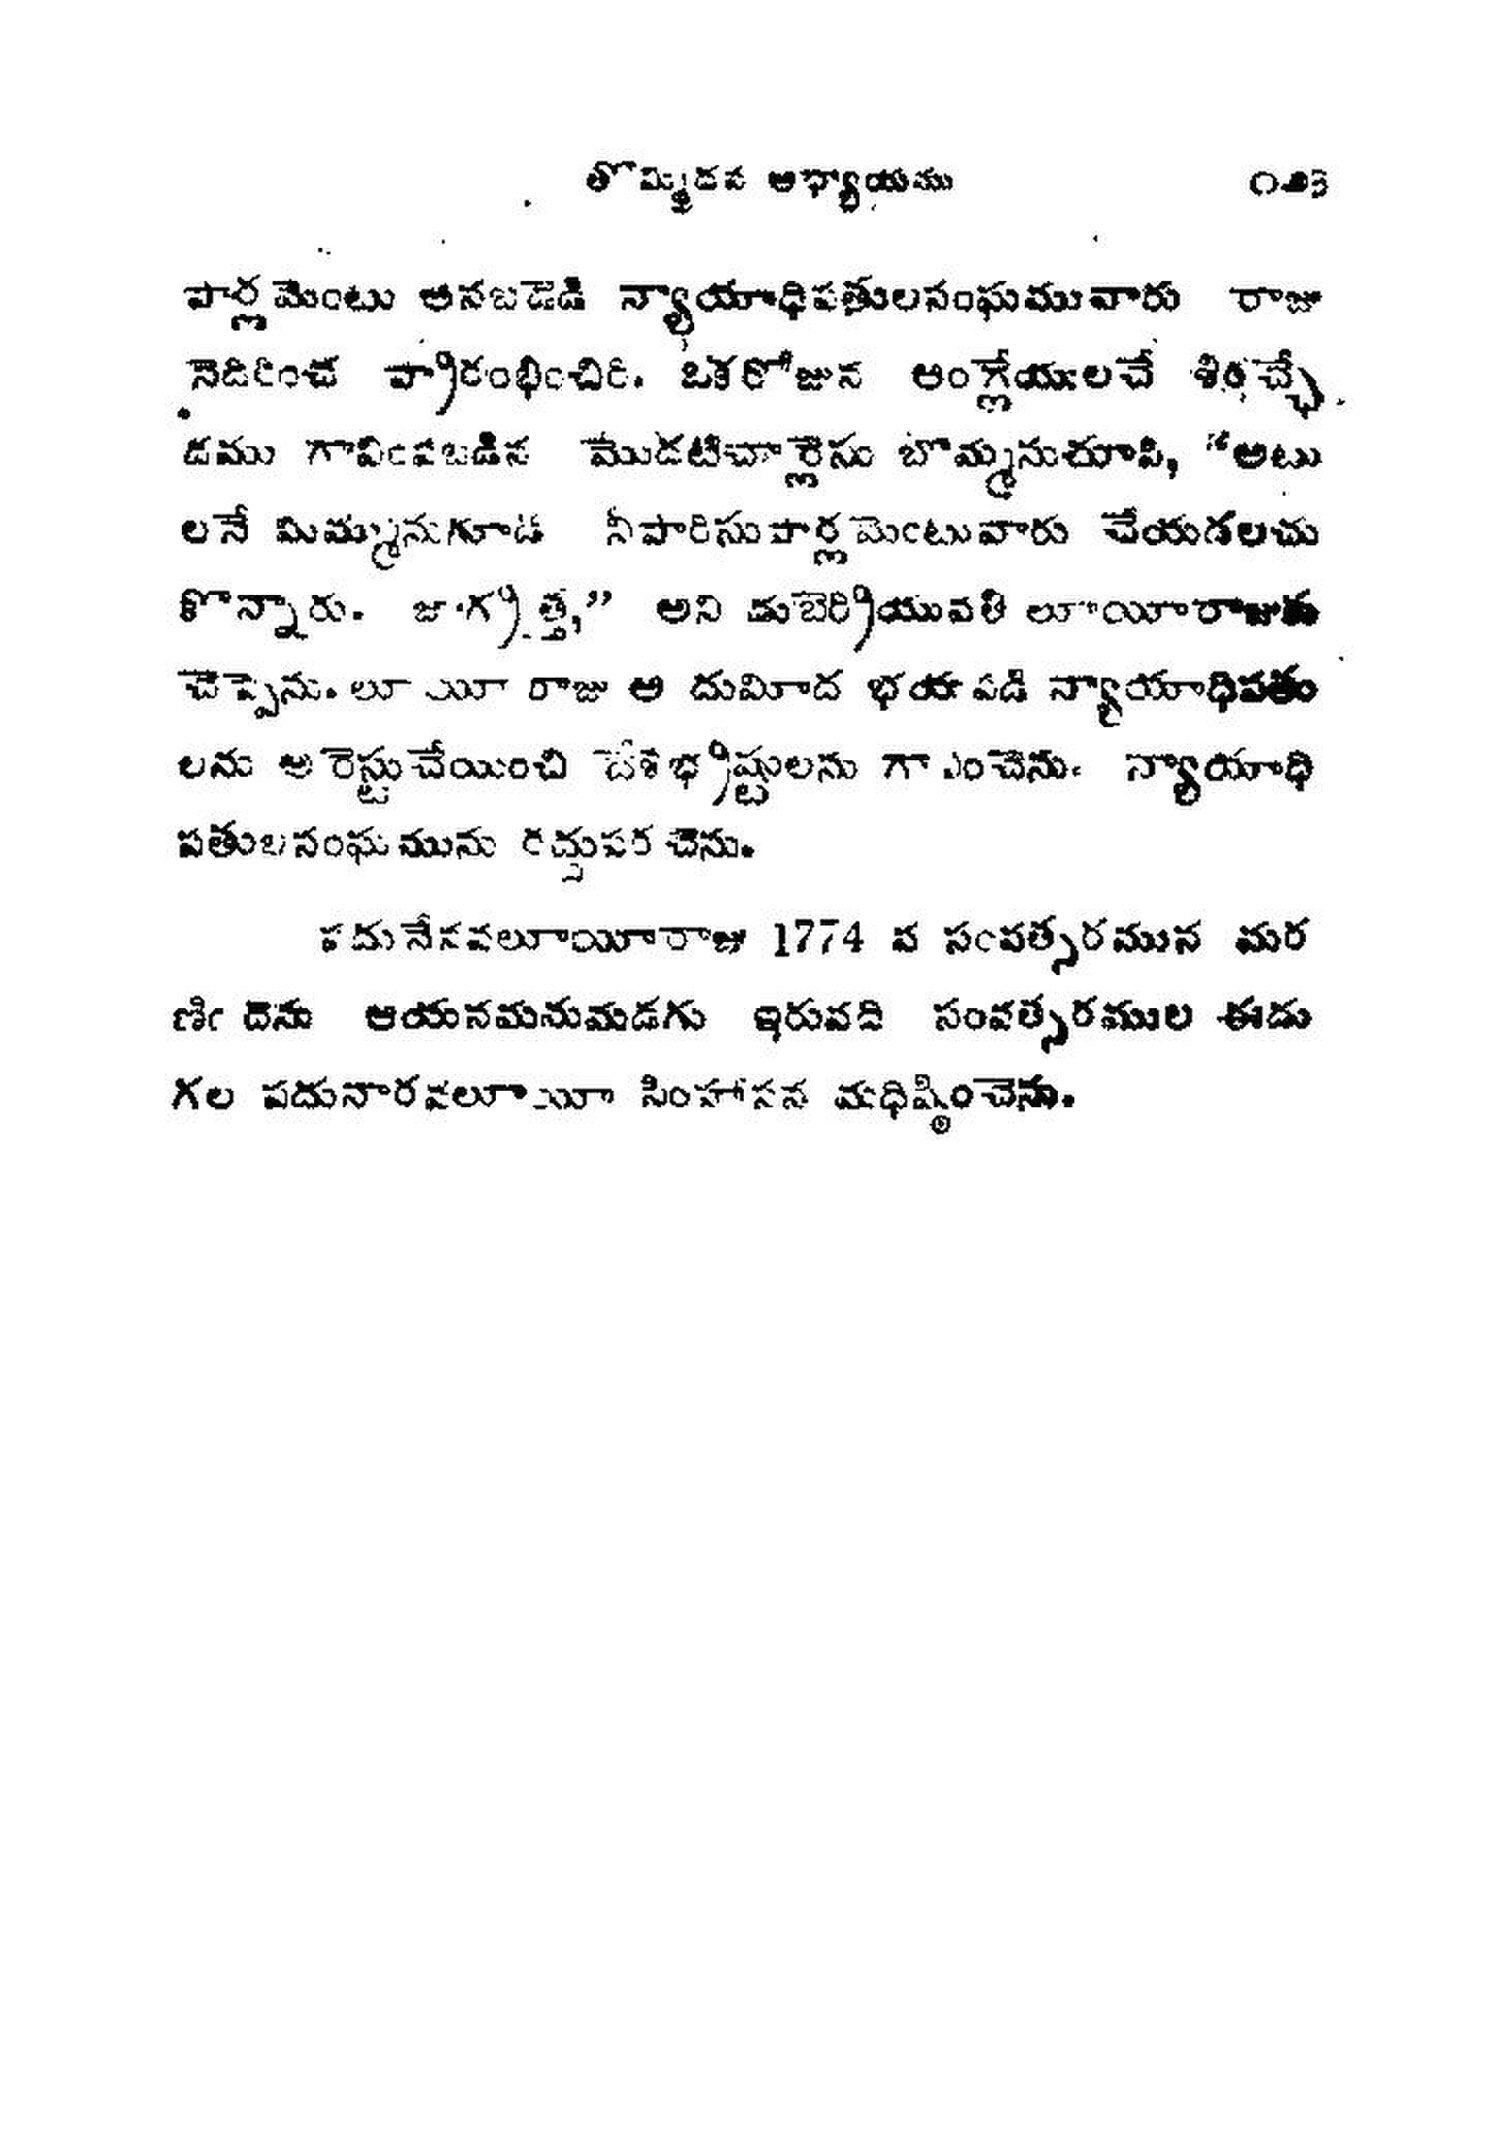పార్లమెంటు అనబడెడి న్యాయాధిపతుల సంఘము వారు రాజు
నెదిరించ ప్రారంభించిరి. ఒక రోజున ఆంగ్లేయులచే శిరచ్ఛే.
దము గావిం బడిన మొదటి చార్లెసు బొమ్మను చూపి, “అటు
లనే మిమ్మను గూడి నీ పారిసుపార్ల మెంటువారు చేయదలచు
కొన్నారు. జగత్త,” అని డుబెర్రి యువతి లుయీ రాజుకు
చెప్పెను. లూయీ రాజు ఆందుమీద భయపడి న్యాయాధిపతు
లను అరెస్టు చేయించి దేశ భ్రష్టులనుగావించెను. న్యాయాధి
పతుల సంఘమును రద్దు పరచెను.

పదునేనవలూయీ రాజు 1774 వ సంవత్సరమున మరణించెను
ఆయన మనుమడగు ఇరువది సంవత్సరముల ఈడు
గల పదునారవలూయీ, సింహాసన మధిష్ఠించెను.